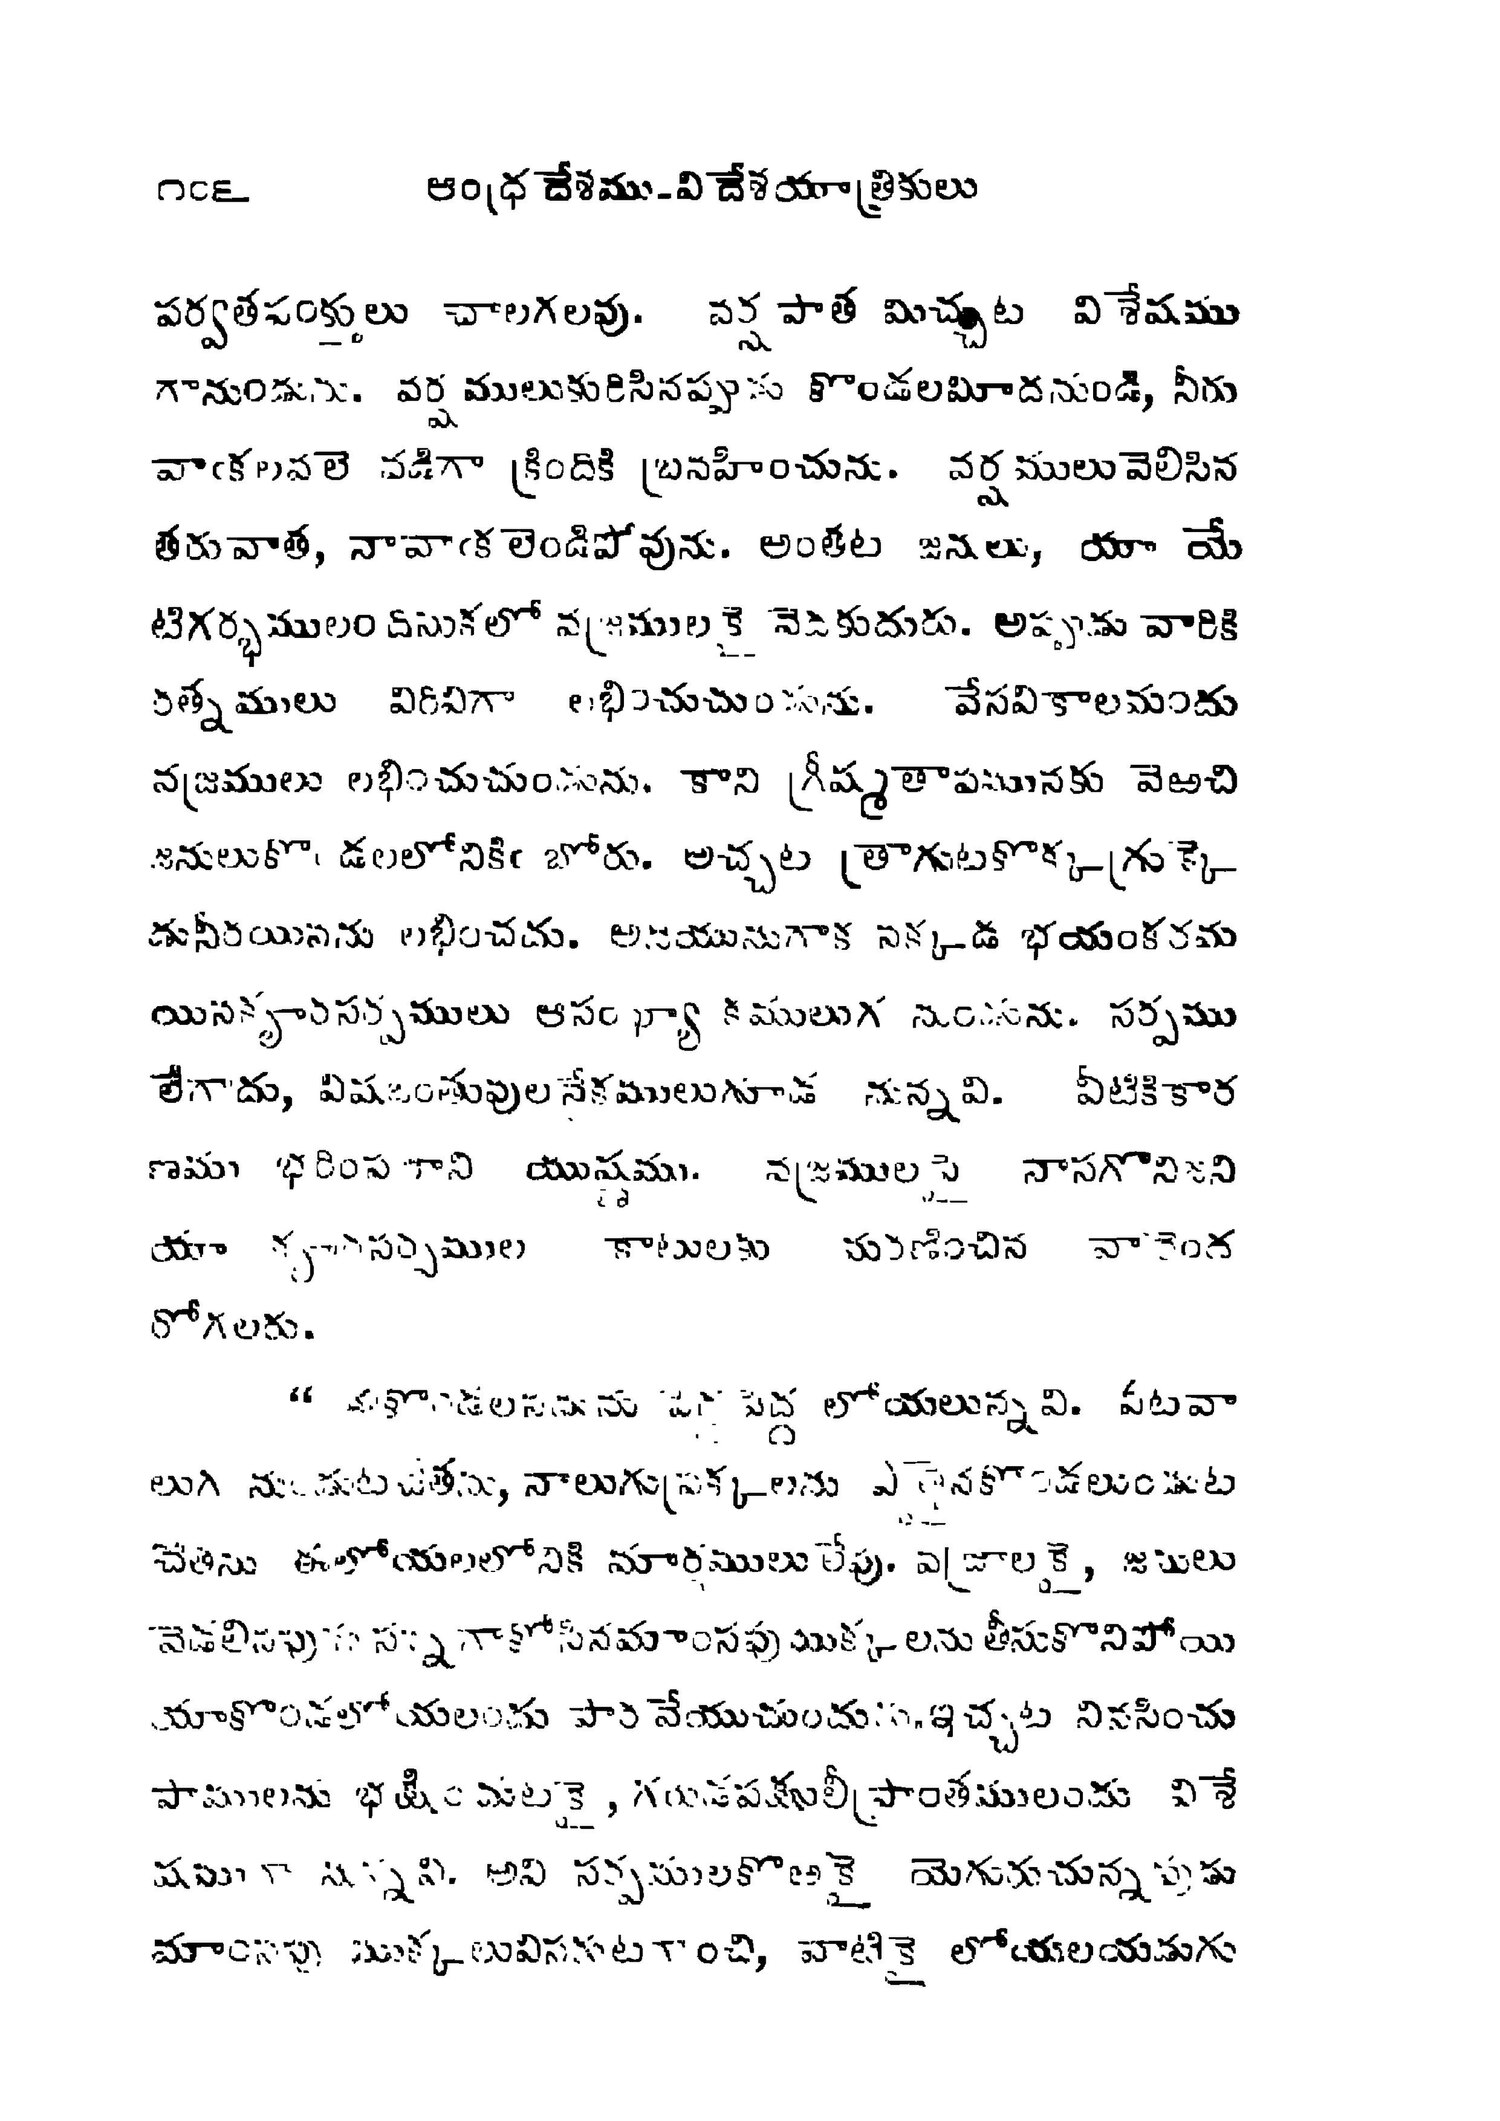పర్వతపంక్తులు చాలగలవు. వర్షపాత మిచ్చట విశేషముగా నుండును. వర్షములు కురిసినప్పుడు కొండలమీదనుండి, నీరు వాకలవలె వడిగా క్రిందికి బ్రవహించును. వర్షములు వెలిసిన తరువాత, నావాకలెండిపోవును. అంతట జనులు, యా యేటి గర్భములందిసుకలో వజ్రములకై వెదకుదురు. అప్పుడు వారికి రత్నములు విరివిగా లభించుచుండును. వేసవికాలమందు వజ్రములు లభించుచుండును. కాని గ్రీష్మతాపమునకు వెఱచి జనులు కొండలలోనికి బోరు. అచ్చట త్రాగుటకొక్క గ్రుక్కెడు నీరయినను లభించదు. అదియునుగాక నక్కడ భయంకరమయిన కౄరసర్పములు ఆసంఖ్యాకములుగ నుండును. సర్పములేగాదు, విషజంతువు లనేకములుగూడ నున్నవి. వీటికి కారణము భరింపరాని యుష్ణము. వజ్రములపై నాసగొని జనియా కౄరసర్పముల కాటులకు మరణించిన వారెందరోగలరు.

"ఈకొండలనడుమ పెద్దపెద్ద లోయలున్నవి. ఏటవాలుగ నుండుటచేతను, నాలుగుప్రక్కలను ఎత్తైనకొండలుండుటచేతను ఈలోయలలోనికి మార్గములులేవు. వజ్రాలకై, జనులు వెడలినపుడు సన్నగాకోసినమాంసపుముక్కలను తీసుకొనిపోయి యాకొండ లోయలందు పారవేయు చుందురు. ఇచ్చట నివసించు పాములను భక్షించుటకై, గరుడపక్షులీప్రాంతములందు విశేషముగా నున్నవి. అవి సర్పములకొఱకై యెగురుచున్నపుడు మాంసపు ముక్కలు విసరుటగాంచి, వాటికై లోయలయడుగు